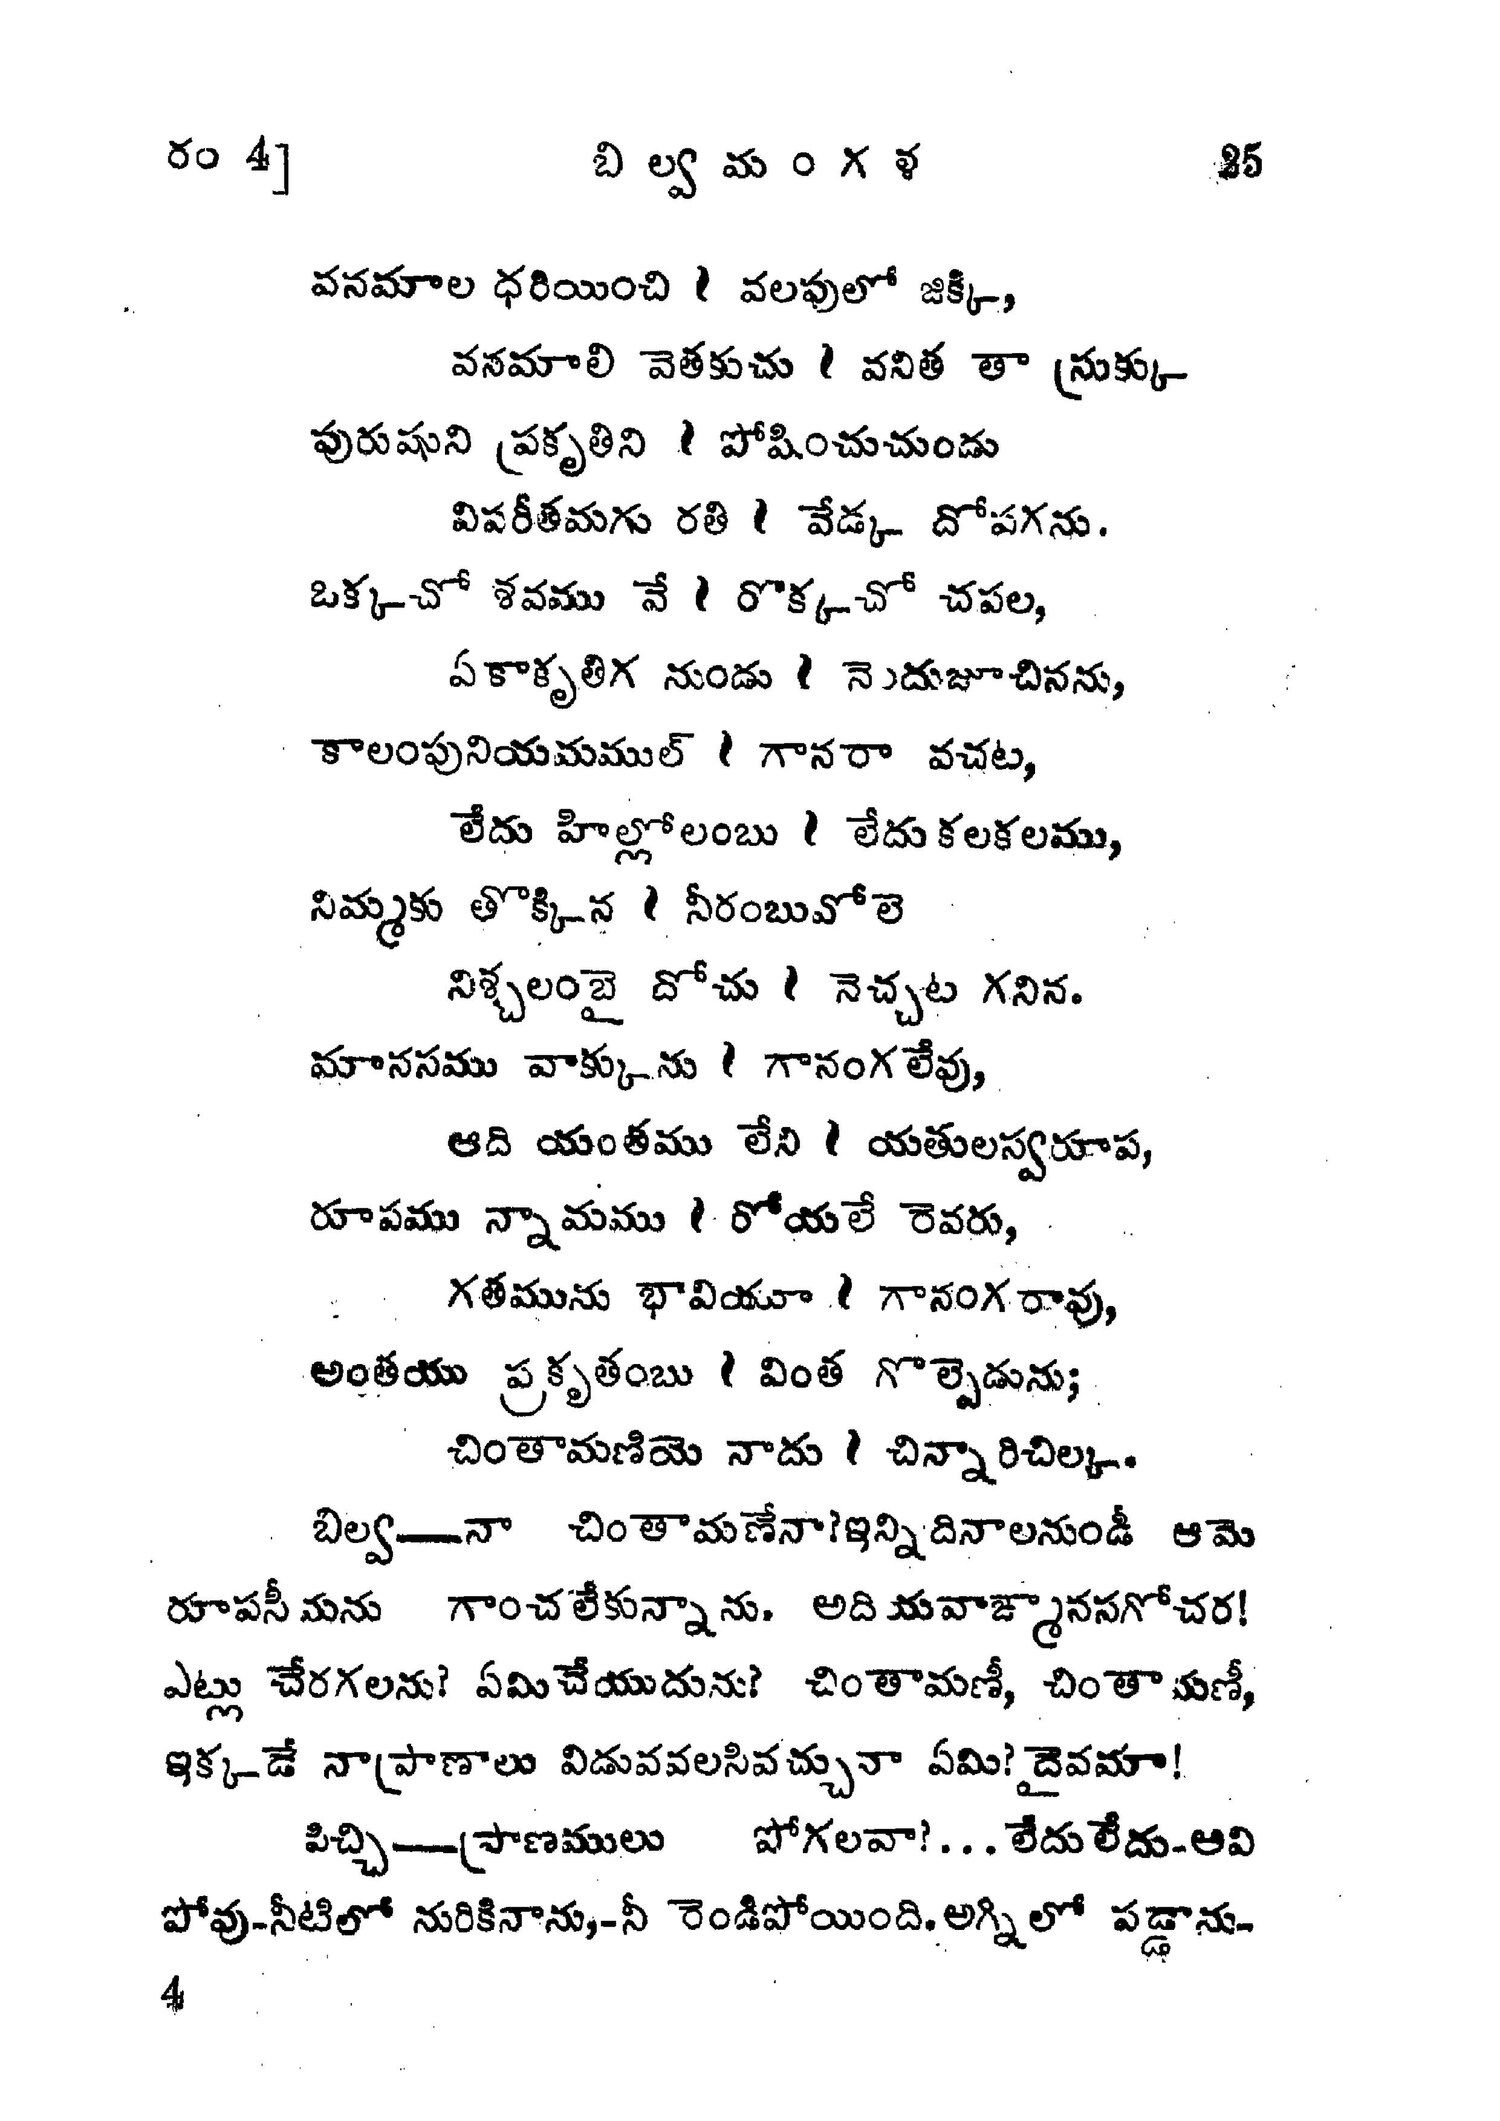వనమాల ధరియించి ♦ వలపులో జిక్కి,
 వనమాలి వెతకుచు ♦ వనిత తా స్రుక్కు
 పురుషుని ప్రకృతిని ♦ పోషించుచుండు
 విపరీతమగు రీతి ♦ వేడ్క దోపగను.
 ఒక్కచో శవము వే ♦ రొక్కచో చపల,
 ఏకాకృతిగ నుండు ♦ నెందుజూచినను,
 కాలంపునియమముల్ ♦ గానరా వచట,
 లేదు హిల్లోలంబు ♦ లేదు కలకలము,
 నిమ్మకు తొక్కిన ♦ నీరంబువోలె
 నిశ్చలంబై దోచు ♦ నెచ్చట గనిన.
 మానసము వాక్కును ♦ గానంగలేవు,
 ఆది యంతము లేని ♦ యతులస్వరూప,
 రూపము న్నామము ♦ రోయలే రెవరు,
 గతమును భావియూ ♦ గానంగ రావు,
 అంతయు ప్రకృతంబు ♦ వింత గొల్పెడును;
 చింతామణియె నాదు ♦ చిన్నారిచిల్క.

బిల్వ - నా చింతామణేనా ? ఇన్ని దినాలనుండీ ఆమె రూపసీమను గాంచలేకున్నాను. అదియవాఙ్మౌనసగోచర! ఎట్లు చేరగలను? ఏమిచేయుదును? చింతామణీ, చింతామణీ, ఇక్కడే నాప్రాణాలు విడువవలసివచ్చునా ఏమి? దైవమా!

పిచ్చి - ప్రాణములు పోగలవా?... లేదులేదు - అవి పోవు - నీటిలో నురికినాను, - నీ రెండిపోయింది. అగ్నిలో పడ్డాను -